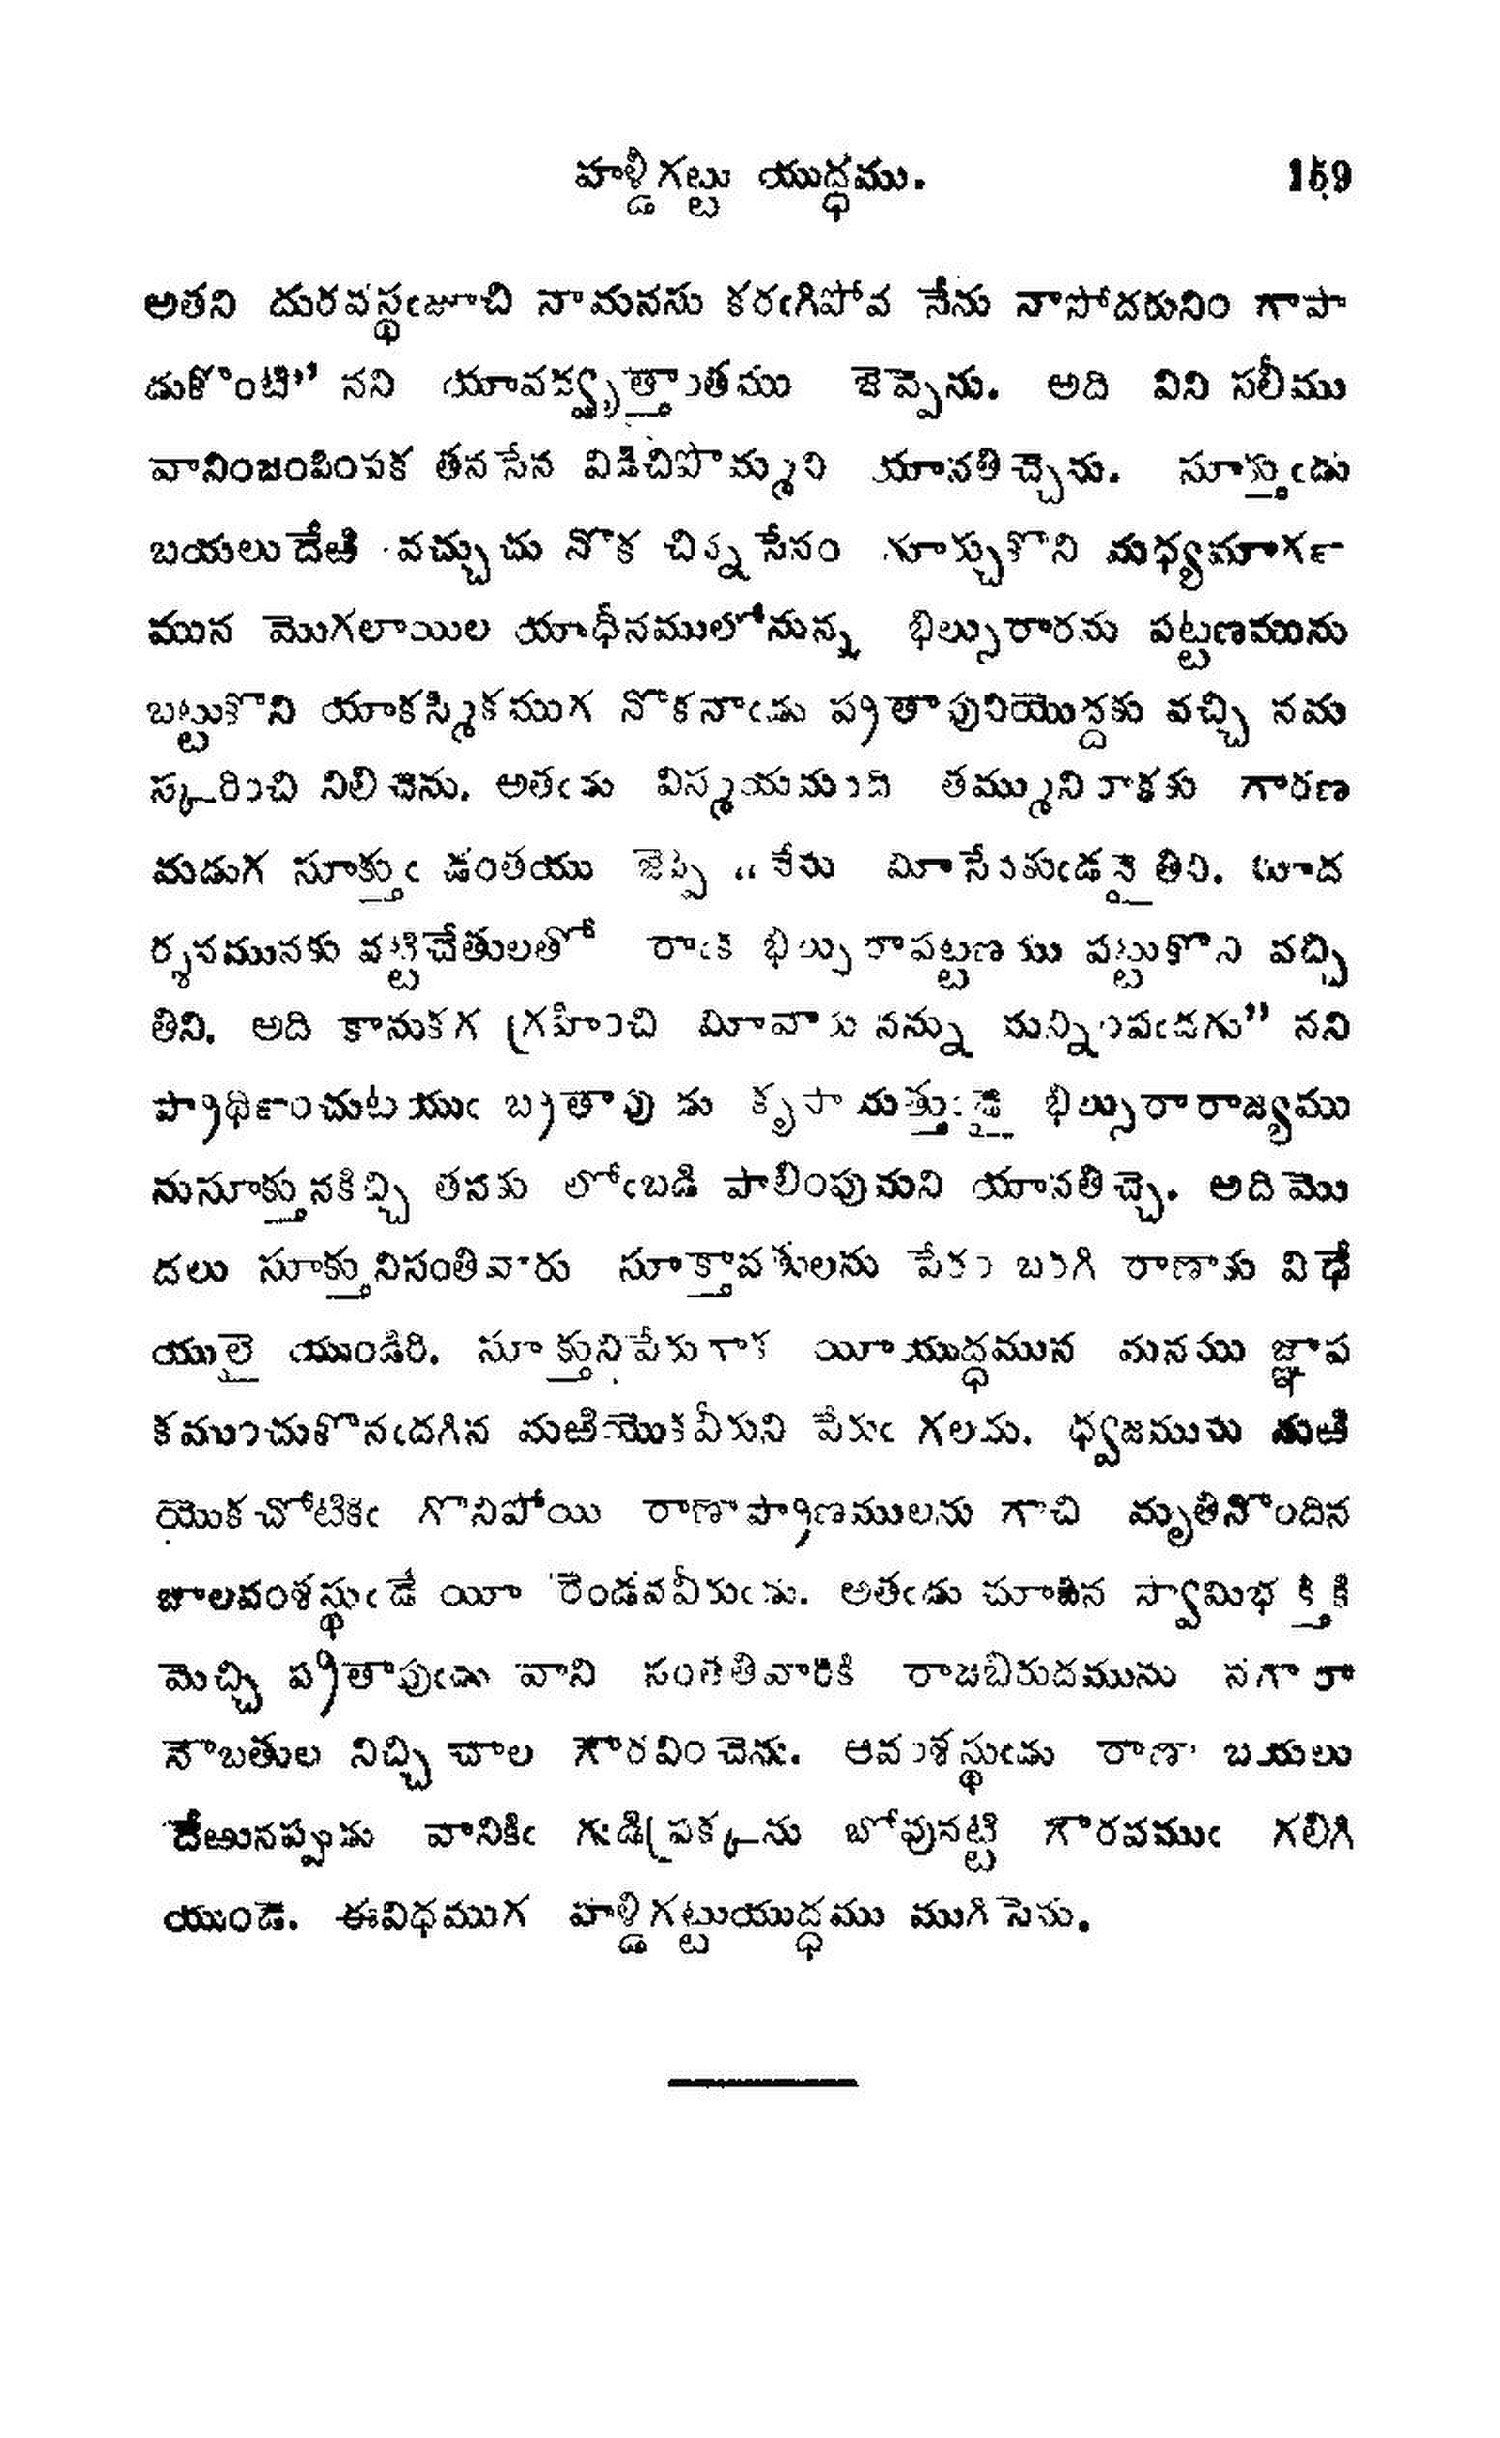అతని దురవస్థఁ జూచి నామనసు కరఁగిపోవ నేను నాసోదరునిం గాపాడుకొంటి" నని యావద్య్రత్తాంతము జెప్పెను. అది విని సలీము
వానింజంపింపక తన సేన విడిచిపొమ్మని యానతిచ్చెను. సూక్తుఁడు బయలు దేఱి వచ్చుచు నొక చిన్న సేనం గూర్చుకొని మధ్యమాగ౯
మున మొగలాయిల యాధీనములోనున్న భిల్సు రారను పట్టణమును బట్టుకొని యాకస్మికముగ నొక నాఁడు ప్రతాపునియొద్దకు వచ్చి నమ
స్కరించి నిలిచెను. అతఁడు విస్మయమంది. తమ్ముని రాకకు గారణ మడుగ సూక్తుఁ డంతయు జెప్పి "నేను మీసేవకుఁడనైతిని. మీద
ర్శనమునకు వట్టిచేతులతో రాఁక భిల్సురా పట్టణము పట్టుకొని వచ్చితిని, అది కానుకగ గ్రహించి మీవారు నన్ను మన్నింపఁడగు" నని
ప్రాధి౯ంచుటయుఁ బ్రతాపుఁడు కృష్ణా మత్తుండై భల్సురా రాజ్యమును సూక్తునకిచ్చి తనకు లోఁబడి పాలింపుమని యానతిచ్చె. అది మొదలు సూక్తునిసంతి వారు సూక్తావతులను పేరం బరగి రాణాకు విధేయులై యుండిరి. సూక్తుని పేరు గాక యీయుద్దమున మనము ౙ్నాప
కముంచుకొనఁదగిన మఱియొక వీరుని పేరుఁ గలదు. ధ్వజమును ముఱియొక చోటికిఁ గొనిపోయి రాణా ప్రాణములను గాచి మృతినొందిన
జూలవంశస్థుఁ డే యీ 'రెండవ వీరుఁడు. అతఁడు చూపిన స్వామిభక్తి కి మెచ్చి ప్రతాపుఁడు వాని సంతతి వారికి రాజబిరుదమును నగారా
నౌబతుల నిచ్చి చాల గౌరవించెను. ఆవంశస్థుఁడు రాణా బయలు దేఱునప్పుడు వానికిఁ గుడి ప్రక్కను బోవునట్టి గౌరవముఁ గలిగి యుండె. ఈవిధముగ హళ్డిగట్టుయుద్ధము ముగిసెను.